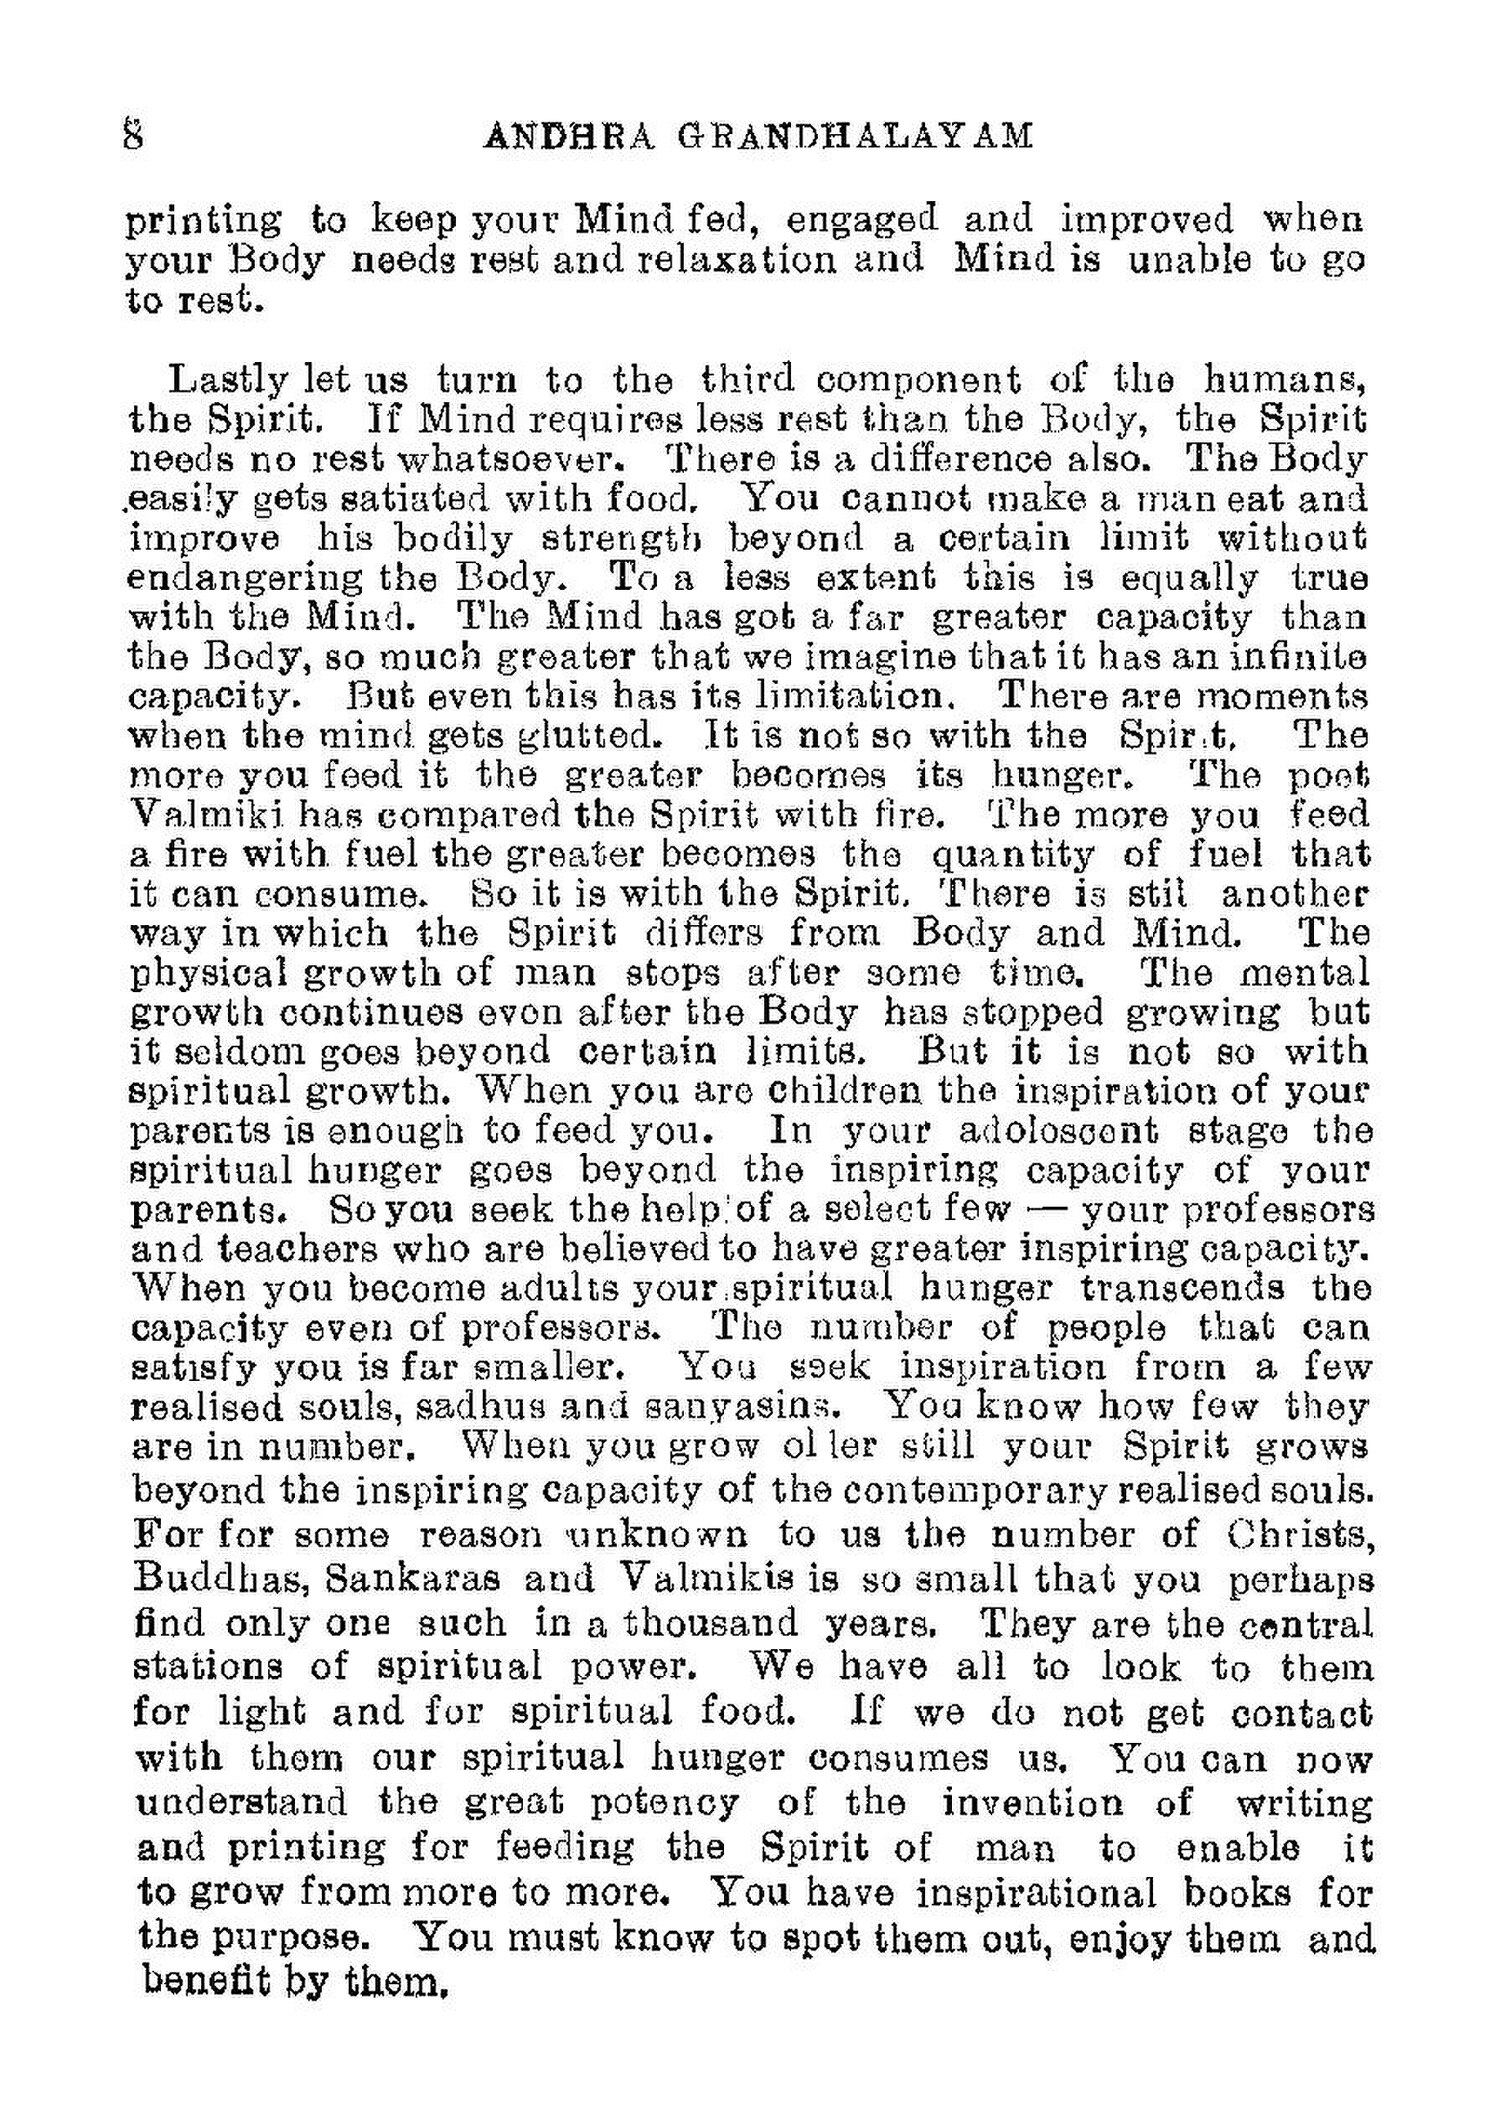printing to keep your Mind fed, engaged and improved when your Body needs rest and relaxation and Mind is 
unable to go to rest.

Lastly let us turn to the third component of the humans, the Spirit. If Mind requires less rest than the 
Body, the Spirit needs no rest whatsoever. There is a difference also. The Body easily gets satiated with 
food. You cannot make a man eat and improve his bodily strength beyond a certain limit without endangering
the Body. To a less extent this is equally true with the Mind. The Mind has got a far greater capacity than
the Body, so much greater that we imagine that it has an infinite capacity. But even this has its limitation. 
There are moments when the mind gets glutted. It is not so with the Spirit. The more you feed it the greater becomes its hunger. Valmiki has compared the Spirit with fire. The more you feed a fire with fuel the greater becomes the quantity of fuel that it can consume. So it is with the Spirit. There is still another way in 
which the Spirit differs from Body and Mind. The physical growth of man stops after some time. The mental
growth continues even after the Body has stopped growing but it seldom goes beyond certain limits. But it 
is not so with spiritual growth. When you are children the inspiration of your parents is enough to feed 
you. In your adolescents stage the spiritual hunger goes beyond the inspiring capacity of your parents. 
So you seek the help of a select few your professors and teachers who are believed to have greater inspiring capacity. When you become adults your spiritual hunger transcends the capacity even of professors. The 
number of people that can satisfy you is far smaller. You seek inspiration from a few realized souls, 
sadhus and sannyasins. You know how few they are in number. When you grow older still your Spirit grows
beyond the inspiring capacity of the contemporary realized souls. For for some reason unknown to us the
number of Christs, Buddhas, Sankara and Valmiki's is so small that you perhaps find only one such in a 
thousand years. They are the central stations of spiritual power. We have all to look to them for light 
and for spiritual food. If we do not get contact with them our spiritual hunger consumes us. You can now
understand the great potency of the invention of writing and printing for feeding the Spirit of man to 
enable it to grow from more to more. You have inspirational books for the purpose. You must know to spot 
them out, enjoy them and benefit by them.